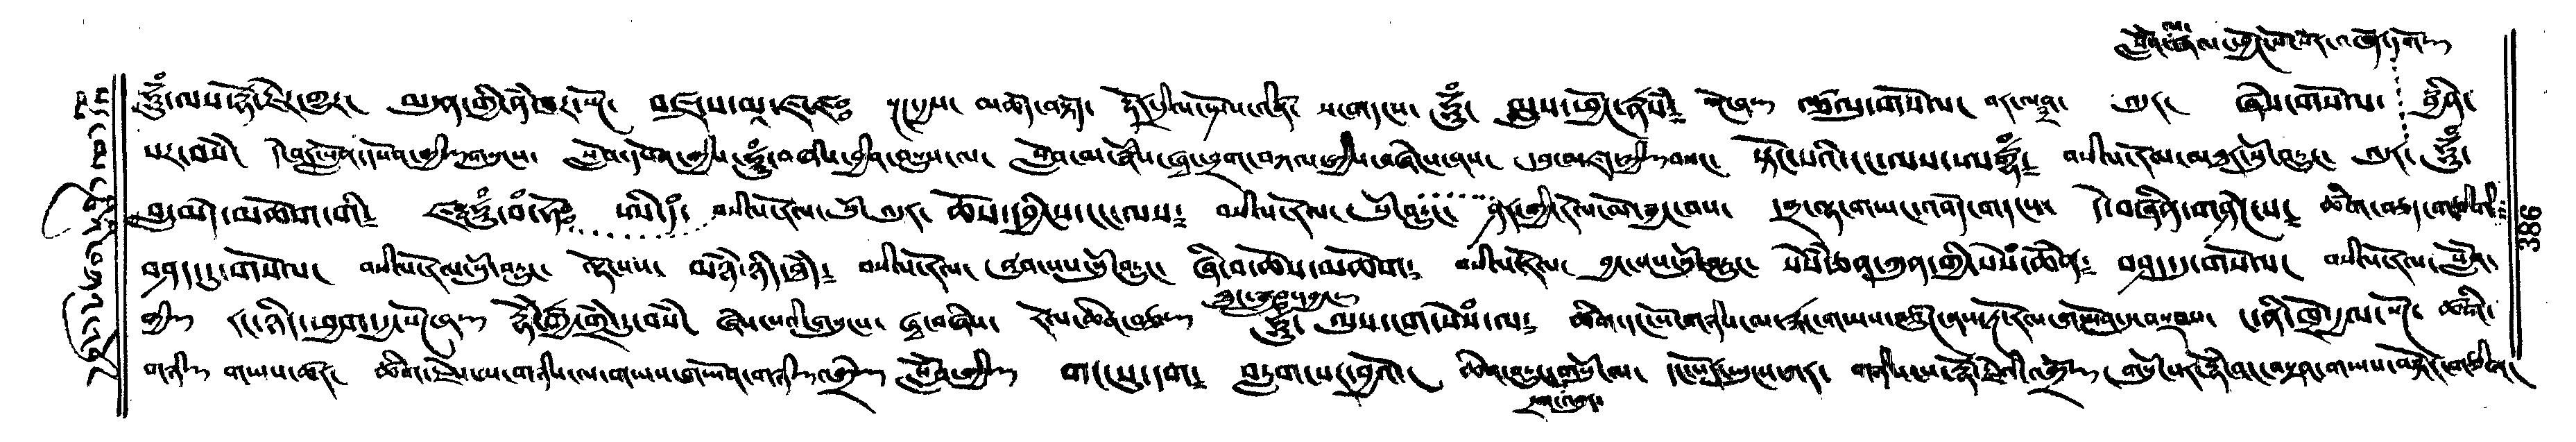ཧཱུྃ་ལས་རྡོ་རྗེར་གྱུར། མདུན་གྱི་ནམ་མཁར༴ སོགས། བཛྲ་ས་མཱ་ཛཿཛཿ སྔགས་རྒྱས་མཆོད་བསྟོད། རྡོར་དྲིལ་སྤོས་འཛིན། ས་གདངས། ཧཱུྃ། མ་ལུས་ཕྱོགས་རྣམས༴ སོགས་ནས། བསྩལ་དུ་གསོལ། བར་ལན་གསུམ། འདུར། ཞེས་གསོལ༴ སྦྱིན་
པར་བསམ། དེ་བར་སློབ་དཔོན་གྱིས་གསུངས། སློབ་དཔོན་གྱིས་ཧཱུྃ་བཞིས་བྱིན་བསྡུས་ལ། སློབ་མ་རྣམས་ཞྭ་ཕྲག་བཀལ་གྱིས་བཞེངས་ནས། དབུ་མཛད་ཀྱིས་བསང་། སྟོང་པའི་ངང་ལས་ཨརྒྷཾ༴བསིལ་རོལ་མཐར་སུམ་རྡུང་། འདུར། སློབ་དཔོན་ཞལ་ཕྱོགས་སོ་སོར་འཁོད་དགོས། ཧཱུྃ། 
བླ་མེད་མཆོག་གི༴ ཛཿཧཱུྃ་བཾ་ཧོཿ བསིལ་རོལ། སུམ། འདུར། ཨི་དཾ༴ ཆོས་དབྱིངས་ངང་ལས༴ བསིལ་རོལ། སུམ་རྡུང་། ཤར་གྱི་རོལ་མོ་རྐྱང་བས། དགྲ་ལྷ་གཡང་འབོད་གདངས། དེ་བཞིན་གཤེགས་པ༴ ཚིགས་བཅད་གཅིག་གི 
བཤད་དུ་གསོལ། བསིལ་རོལ་སུམ་རྡུང་། ལྷོ་པས། མཉམ་ཉིད་ཐམས་ཅད༴ བསིལ་རོལ། ནུབ་པས་སུམ་རྡུང་། ཞི་བ་ཆོས་མཆོག༴ བསིལ་རོལ། བྱང་པས་སུམ་རྡུང་། སེམས་ཅན་ཀུན་གྱི་སེམས་ཆེན་པོ༴ བཤད་དུ་གསོལ། བསིལ་རོལ། སློབ་དཔོན་
གྱིས། རང་ཉིད་ཕྱག་རྒྱ༴ སོགས་ནས། རྡོ་རྗེ་རྒྱ་གྲམ་དུ༴ བསམ། ཞེས་པ་གསུངས། ཞྭ་བཞེས། རོལ་ཆེན་བཅས། ཐུགས་སྒྲུབ་དབྱངས། ཧཱུྃ། ལུས་ངག་སེམས་ལ༴ ཚིག་དང་པོ་གཉིས་ལ་རྐང་གཡས་བཙུགས་ནས་རྔ་གཡོན་དུ་བསྡབས། ང་ནི་ཁྲོ་རྒྱལ་སོགས། ཚིག་
གཉིས་གཡས་ཚར། ཚིག་རྗེས་མ་གཉིས་ལ་གཡས་གཡོན་གཉིས་འགྲེས། སློབ་དཔོན་གྱིས། གང་སུ་དག༴ བརླག་པར་བྱའོ། ཆེན་རྡུང་དྲག་འབུད་གསུམ་ལ། དང་པོར་ཡུངས་ཀར། གཉིས་པ་རྡོ་རྗེའི་འགྲོས། གསུམ་པར་རྡོ་རྗེ་ནང་བསྟན་གཡས་བསྐོར་གཅིག